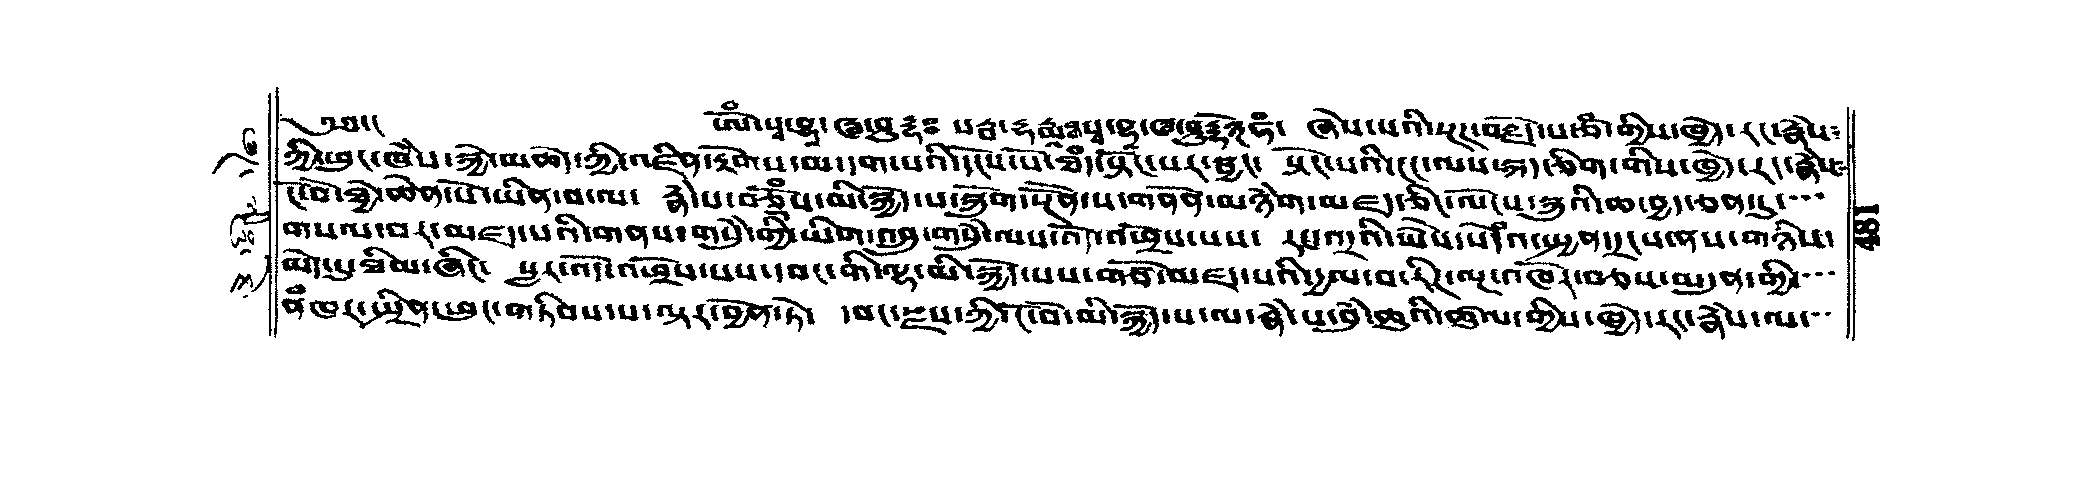ཨོྃ་སྭ་བྷཱ་ཝ་ཤུདྡྷཿསརྦ་དྷརྨཿསྭ་བྷཱ་ཝ་ཤུདྡྷོཉཧཾ། ཞེས་པའི་སྔགས་བརྗོད་པ་ཙམ་གྱིས་ཁྱེད་རང་རྣམས་
ཀྱི་ཕུང་ཁམས་སྐྱེ་མཆེད་ཀྱི་འཛིན་རྟོགས་མ་དག་པའི་དངོས་པོ་ཐམས་ཅད་སྟོང་པར་སྦྱང་། སྟོང་པའི་ངང་ལས་སྐད་ཅིག་གིས་ཁྱེད་རང་རྣམས་
ངོ་བོ་ཐུགས་རྗེ་ཆེན་པོ་ཡིན་པ་ལ། རྣམ་པ་བཅོམ་ལྡན་འདས་མི་བསྐྱོད་པ་སྐུ་མདོག་སྔོན་པོ་ས་གནོན་མཉམ་གཞག་མཛད་ཅིང་ལོངས་སྐུའི་ཆ་བྱད་ཅན་དུ་
གསལ་བར་མཛད་པའི་གནས་གསུམ་གྱི་ཡིག་འབྲུ་གསུམ་ལས་འཕྲོས་པས། རང་འདྲའི་ཡེ་ཤེས་སེམས་དཔའ་སྤྱན་དྲངས་ནས་གཉིས་
མེད་དུ་ཐིམ་ཞིང་། སླར་འོད་འཕྲོས་པས་དབང་གི་ལྷ་མི་སྐྱོད་པས་གཙོ་མཛད་པའི་རྒྱལ་བ་རིགས་ལྔ་འཁོར་བཅས་མདུན་གྱི་
ནམ་མཁར་སྤྲིན་ཕུང་གཏིབས་པ་ལྟར་བྱོན་ཏེ། དབང་རྫས་ཀྱི་ངོ་བོ་མི་སྐྱོད་པ་ལ་རྣམ་པ་བུམ་ཆུའི་ཚུལ་གྱིས་ཁྱེད་རང་རྣམས་ལ་